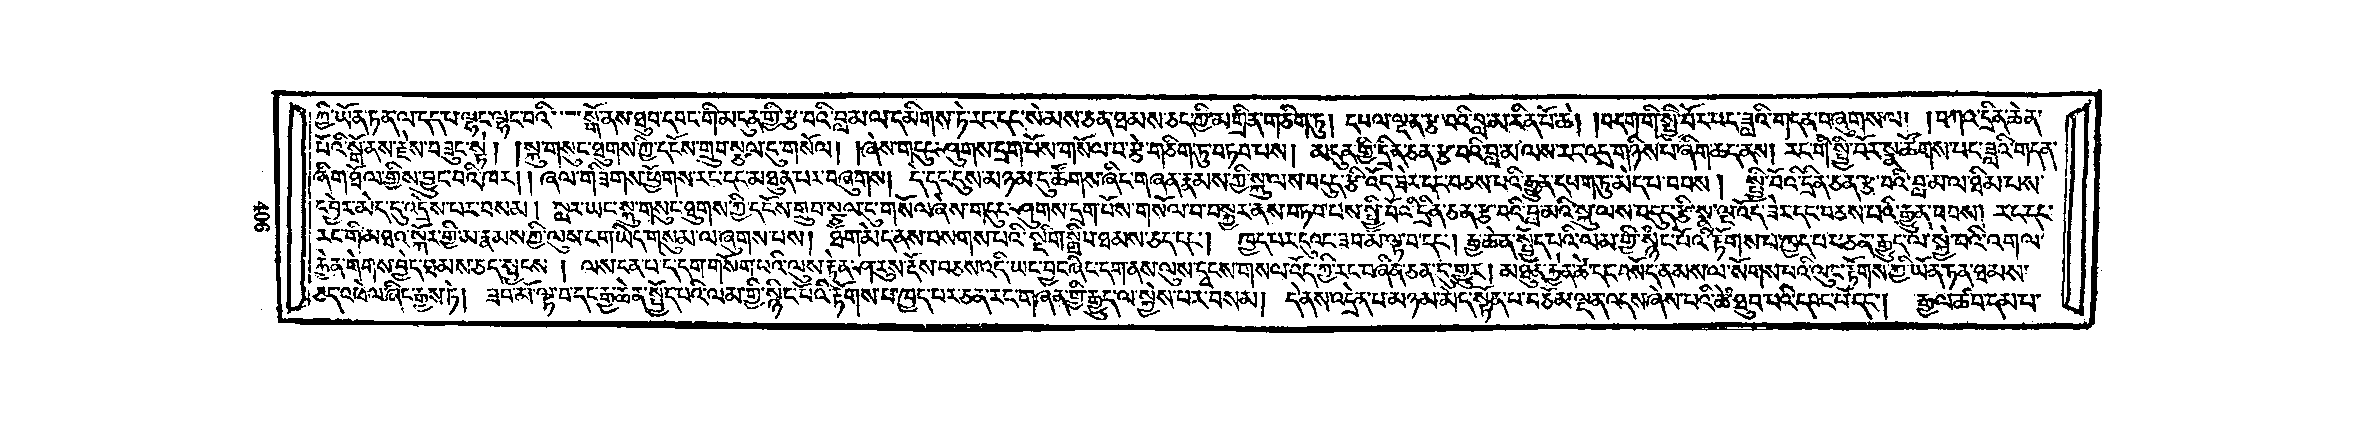ཀྱི་ཡོན་ཏན་ལ་དད་པ་ལྷང་ལྷང་བའི་སྒོ་ནས་ཐུབ་དབང་གི་མདུན་གྱི་རྩ་བའི་བླ་མ་ལ་དམིགས་ཏེ་རང་དང་སེམས་ཅན་ཐམས་ཅད་ཀྱི་མགྲིན་གཅིག་ཏུ། དཔལ་ལྡན་རྩ་བའི་བླ་མ་རིན་པོ་ཆེ། །བདག་གི་སྤྱི་བོར་པད་ཟླའི་གདན་བཞུགས་ལ། །བཀའ་དྲིན་ཆེན་
པོའི་སྒོ་ནས་རྗེས་བཟུང་སྟེ། །སྐུ་གསུང་ཐུགས་ཀྱི་དངོས་གྲུབ་སྩལ་དུ་གསོལ། །ཞེས་གདུང་ཤུགས་དྲག་པོས་གསོལ་བ་རྩེ་གཅིག་ཏུ་བཏབ་པས། མདུན་གྱི་དྲིན་ཅན་རྩ་བའི་བླ་མ་ལས་རང་འདྲ་གཉིས་པ་ཞིག་ཆད་ནས། རང་གི་སྤྱི་བོར་སྣ་ཚོགས་པད་ཟླའི་གདན་
ཞིག་ཐོལ་གྱིས་བྱུང་བའི་ཁར། །ཞལ་གཟིགས་ཕྱོགས་རང་དང་མཐུན་པར་བཞུགས། དེ་དང་དུས་མཉམ་དུ་ཚོགས་ཞིང་གཞན་རྣམས་ཀྱི་སྐུ་ལས་བདུད་རྩི་འོད་ཟེར་དང་བཅས་པའི་རྒྱུན་དཔག་ཏུ་མེད་པ་བབས། སྤྱི་བོའི་དྲིན་ཅན་རྩ་བའི་བླ་མ་ལ་ཐིམ་པས་
དབྱེར་མེད་དུ་འདྲེས་པར་བསམ། སླར་ཡང་སྐུ་གསུང་ཐུགས་ཀྱི་དངོས་གྲུབ་སྩལ་དུ་གསོལ་ཞེས་གདུང་ཤུགས་དྲག་པོས་གསོལ་བ་བསྐྱར་ནས་བཏབ་པས་སྤྱི་བོའི་དྲིན་ཅན་རྩ་བའི་བླ་མའི་སྐུ་ལས་བདུད་རྩི་སྣ་ལྔ་འོད་ཟེར་དང་བཅས་པའི་རྒྱུན་བབས། རང་དང་
རང་གི་མཐའ་སྐོར་གྱི་མ་རྣམས་ཀྱི་ལུས་ངག་ཡིད་གསུམ་ལ་ཞུགས་པས། ཐོག་མེད་ནས་བསགས་པའི་སྡིག་སྒྲིབ་ཐམས་ཅད་དང་། ཁྱད་པར་དུའང་ཟབ་མོ་ལྟ་བ་དང་། རྒྱ་ཆེན་སྤྱོད་པའི་ལམ་གྱི་སྙིང་པོའི་རྟོགས་པ་ཁྱད་པར་ཅན་རྒྱུད་ལ་སྐྱེ་བའི་འགལ་
རྐྱེན་གེགས་བྱེད་ཐམས་ཅད་སྦྱངས། ལས་ངན་པ་དེ་དག་གསོག་པའི་ལུས་རྟེན་ཤ་རུས་རྡོས་བཅས་འདི་ཡང་བྱང་ཞིང་དག་ནས་ལུས་དྭངས་གསལ་འོད་ཀྱི་རང་བཞིན་ཅན་དུ་གྱུར། མཐུན་རྐྱེན་ཚེ་དང་བསོད་ནམས་ལ་སོགས་པའི་ལུང་རྟོགས་ཀྱི་ཡོན་ཏན་ཐམས་
ཅད་འཕེལ་ཞིང་རྒྱས་ཏེ། ཟབ་མོ་ལྟ་བ་དང་རྒྱ་ཆེན་སྤྱོད་པའི་ལམ་གྱི་སྙིང་པོའི་རྟོགས་པ་ཁྱད་པར་ཅན་རང་གཞན་གྱི་རྒྱུད་ལ་སྐྱེས་པར་བསམ། དེ་ནས་འདྲེན་པ་མཉམ་མེད་སྟོན་པ་བཅོམ་ལྡན་འདས་ཞེས་པའི་ཚེ་ཐུབ་པའི་དབང་པོ་དང་། རྒྱལ་ཚབ་དམ་པ་